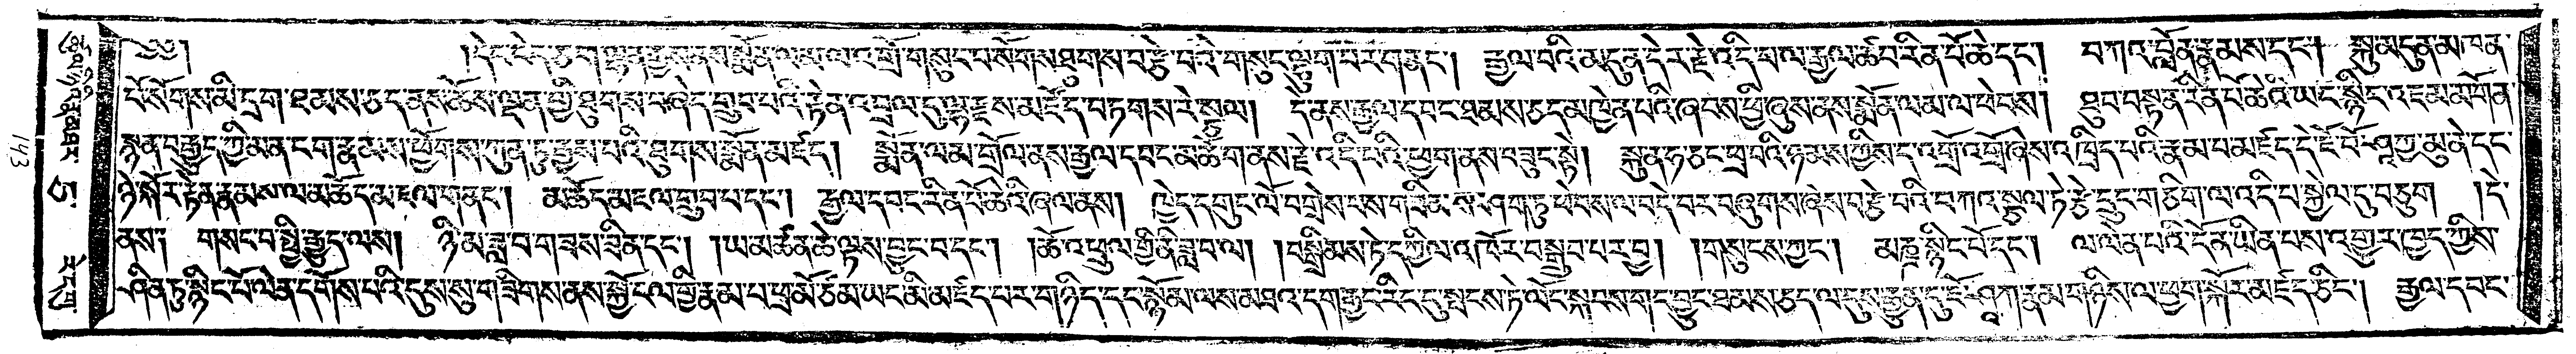༄༅། །དེང་ངེད་ཅག་ལྷན་རྒྱས་ནས་སྨོན་ལམ་ལ་འགྲོ་གསུང་པ་སོགས་ཐུགས་བརྩེ་བའི་གསུང་ལྷུག་བར་གནང་། རྒྱལ་བའི་མདུན་དེར་རྗེ་འདི་པལ་རྒྱལ་ཚབ་རིན་པོ་ཆེ་དང་། བཀའ་བློན་རྣམས་དང་། སྐུ་མདུན་མཁན་
པོ་སོགས་མི་དྲག་ཐམས་ཅད་ནས་ཆོས་ལྡན་གྱི་ཐུགས་བཞེད་གྲུབ་པའི་རྟེན་འབྲེལ་དུ་ལྷ་རྫས་མཛེད་བཏགས་རེ་སྩལ། དེ་ནས་རྒྱལ་དབང་ཐམས་ཅད་མཁྱེན་པའི་ཞབས་ཕྱི་ཞུས་ནས་སྨོན་ལམ་ལ་ཕེབས། ཐུབ་བསྟན་རིན་པོ་ཆེའི་ཡང་སྙིང་འཇམ་མགོན་
སྙན་བརྒྱད་ཀྱི་མན་ངག་རྣམས་ཕྱོགས་ཀུན་ཏུ་རྒྱས་པའི་ཐུགས་སྨོན་མཛད། སྨོན་ལམ་གྲོལ་ནས་རྒྱལ་དབང་མཆོག་ནས་རྗེ་འདི་བའི་ཕྱག་ནས་བཟུང་སྟེ། སྐུ་ན་ཧ་ཅང་ཕྲ་བའི་ཉམས་ཀྱིས་ད་འགྲོ་འགྲོ་ཞེས་འཁྲིད་པའི་རྣམ་པ་མཛད་དེ་ཇོ་བོ་ཤཱཀྱ་མུ་ནེ་དང་
ཉེ་སྐོར་རྟེན་རྣམས་ལ་མཆོད་མཇལ་གནང་། མཆོད་མཇལ་གྲུབ་པ་དང་། རྒྱལ་དབང་རིན་པོ་ཆེའི་ཞལ་ནས། ཁྱེད་དགུང་ལོ་བགྲེས་པས་གཟིམས་ཤག་ཏུ་ཕེབས་ལ་བདེ་བར་བཞུགས་ཞེས་བརྩེ་བའི་བཀའ་སྩལ་ཏེ་རྩེ་དྲུང་གཅིག་ལ་འདི་པ་སྐྱེལ་དུ་བཅུག །དེ་
ནས༑ གསང་བ་སྤྱི་རྒྱུད་ལས། ཉི་མ་ཟླ་བ་གཟས་ཟིན་དང་། །ཡ་མཚན་ཆེ་ལྟས་བྱུང་བ་དང་། །ཆོ་འཕྲུལ་གྱི་ནི་ཟླ་བ་ལ། །བསྒྲིམས་ཏེ་དཀྱིལ་འཁོར་བསྒྲུབ་པར་བྱ། །གསུངས་ཀྱང་། མཎྜ་སྙིང་པོ་དང་། ལ་ལེན་པའི་དོན་ཡིན་པས་འགྱུར་ཁྱད་ཀྱིས་
ཤིན་ཏུ་སྙིང་པོ་ལེན་དགོས་པའི་དུས་སུ་གཟིགས་ནས་སྐྱོ་ངལ་གྱི་རྣམ་པ་ཕྲ་མོ་ཙམ་ཡང་མི་མཛད་པར་གཉིད་དང་སྙོམ་ལས་མཐའ་དག་རྒྱང་རིང་དུ་སྤངས་ཏེ་ལོང་སྐབས་གང་བྱུང་ཐམས་ཅད་ལ་དུས་རྒྱུན་དུ་ཇོ་ཤཱཀ་རྣམ་གཉིས་ལ་ཕྱག་སྐོར་མཛད་ཅིང་། རྒྱལ་དབང་